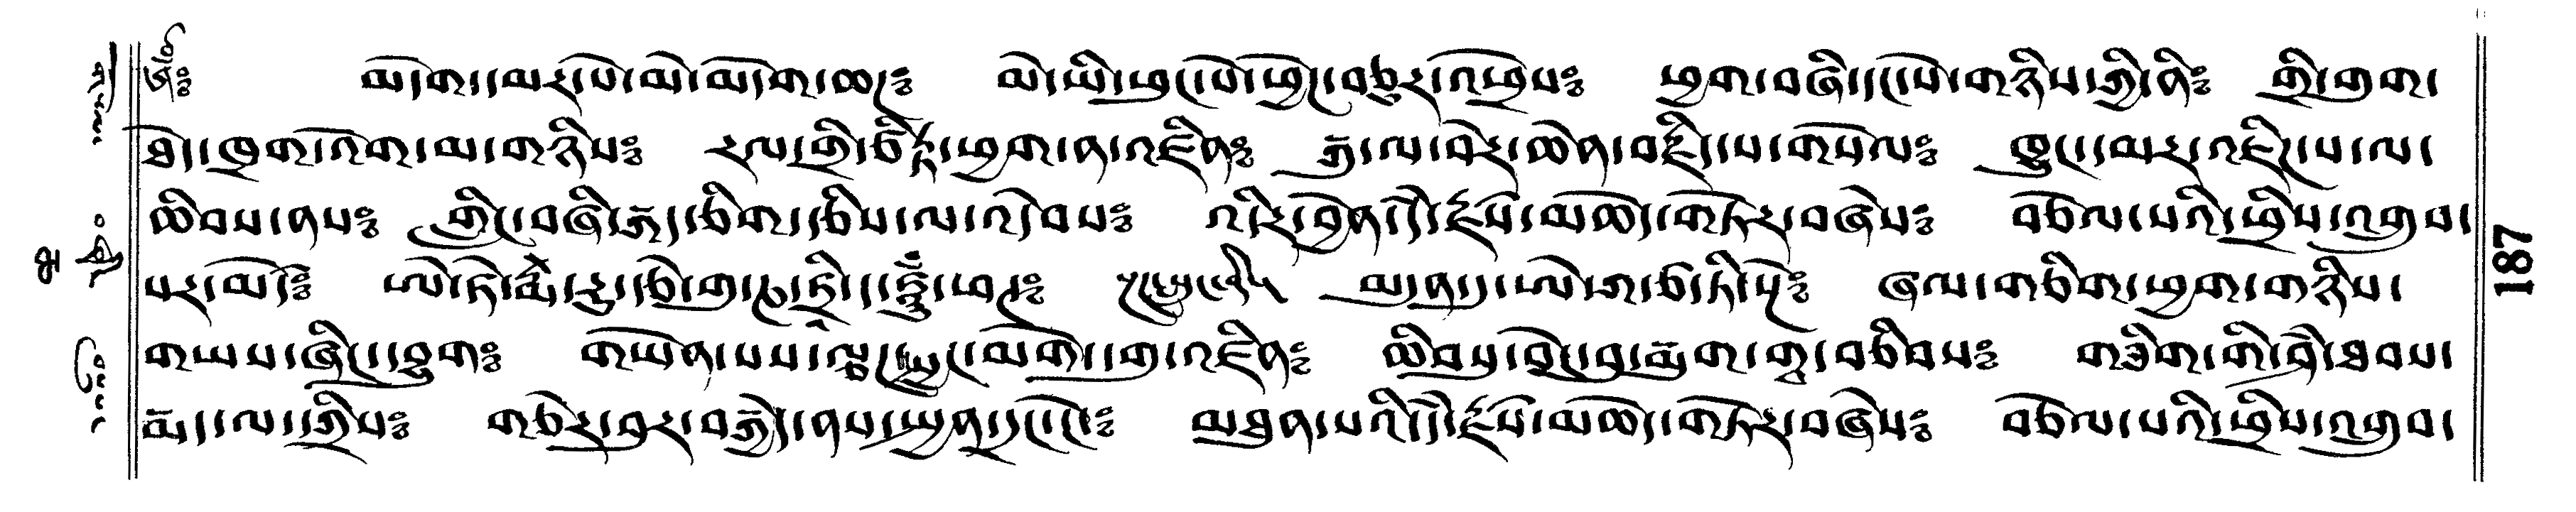མདོག་དམར་པོ་མེ་མདོག་ཆགས༔ མེ་ཡི་ཕུང་པོ་ཕྱོགས་བཅུར་འཕྲོ༔ ཕྱག་བཞི་དང་པོ་གཉིས་ཀྱི་ནི༔ གྲི་གུག་
ཐོད་ཁྲག་འོག་མ་གཉིས༔ རལ་གྲི་ཙིཏྟ་ཕྱག་ན་འཛིན༔ སྐུ་ལ་བེར་ཆེན་བརྗིད་པ་གསོལ༔ ཁྱུང་དམར་འཇིགས་པ་ལ་
བཅིབས་ནས༔ གླིང་བཞི་སྐད་ཅིག་རྩིས་ལ་འདེབས༔ འདིར་བྱོན་དམ་རྫས་མཆོད་གཏོར་བཞེས༔ བཅོལ་པའི་ཕྲིན་ལས་འགྲུབ་
པར་མཛོད༔ ཨེ་ཧེ་རྨེ་རུ་རྩེ་གུ་ཎ་ཧྲཱི་ད་ཧཱུྃ་ཕཊ༔ སྔགས་སྲུང་ནི། མདུན་དུ་ཨེ་ཀ་ཙ་ཏི་སྔོ༔ ཞལ་གཅིག་ཕྱག་གཉིས་
གཡས་ཞིང་དབྱུག༔ གཡོན་པས་ལྕགས་སྤྱང་མགོ་དགུ་འཛིན༔ ཆིབས་སུ་བོང་བུ་སྨུག་གྭ་བཅིབས༔ གཟིག་གི་ཤམ་ཐབས་
སྨད་ལ་དཀྲིས༔ གཅེར་བུར་བསྐྱེད་ནས་སྤྱན་དྲང་ངོ༔ མཐུན་པའི་དམ་རྫས་མཆོད་གཏོར་བཞེས༔ བཅོལ་པའི་ཕྲིན་ལས་འགྲུབ་